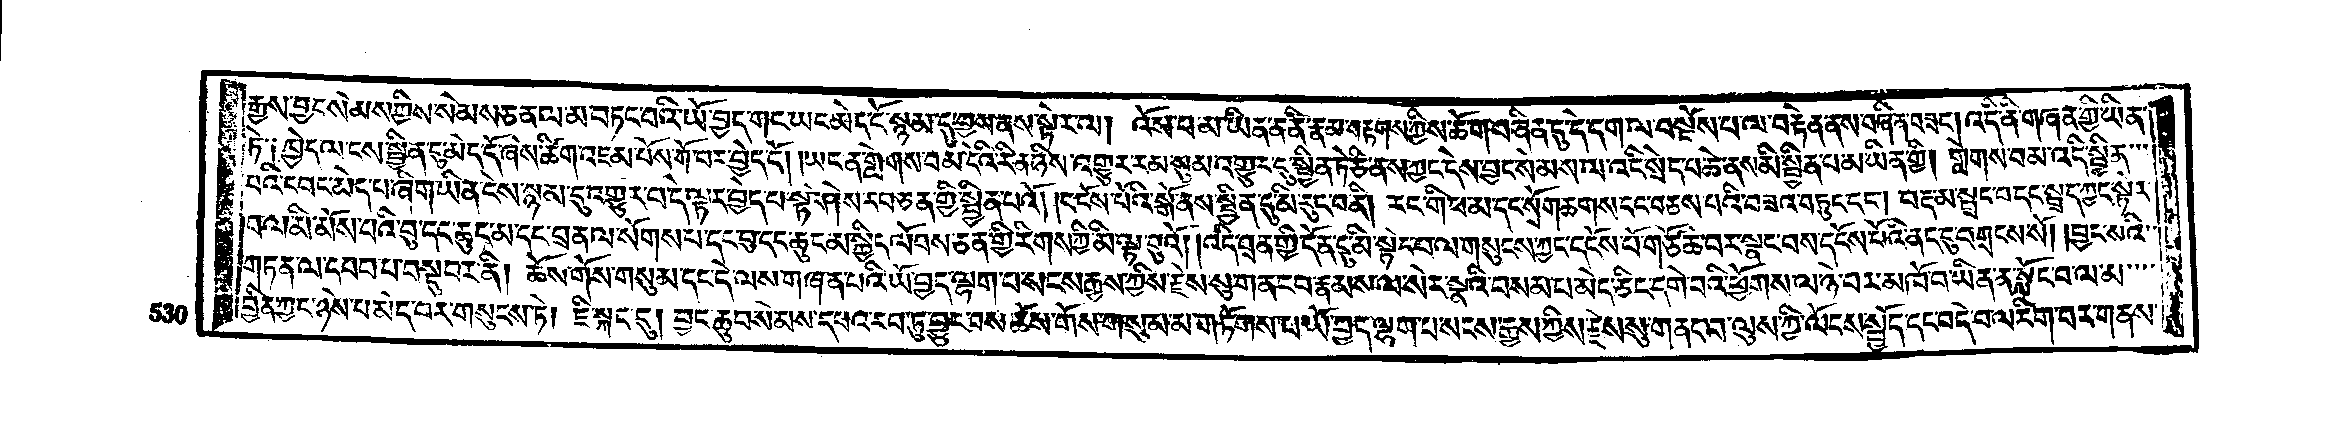རྒྱས་བྱང་སེམས་ཀྱིས་སེམས་ཅན་ལ་མ་བཏང་བའི་ཡོ་བྱད་གང་ཡང་མེད་དོ་སྙམ་དུ་བྱས་ནས་སྟེར་ལ། འོས་པ་མ་ཡིན་ན་ནི་རྣམ་བརྟགས་ཀྱིས་ཆོ་ག་བཞིན་དུ་དེ་དག་ལ་བསྔོས་པ་ལ་བརྟེན་ནས་བཞིན་བཟང་། འདི་ནི་གཞན་གྱི་ཡིན་
ཏེ༑ ཁྱེད་ལ་ངས་སྦྱིན་དུ་མེད་དོ་ཞེས་ཚིག་འཇམ་པོས་གོ་བར་བྱེད་དོ། །ཡང་ན་གླེགས་བམ་དེའི་རིན་ཉིས་འགྱུར་རམ་སུམ་འགྱུར་དུ་སྦྱིན་ཏེ་ཅི་ནས་ཀྱང་དེས་བྱང་སེམས་ལ་འདི་སྲེད་པ་ཆེ་ནས་མི་སྦྱིན་པ་མ་ཡིན་གྱི། གླེགས་བམ་འདི་སྦྱིན་
པའི་དབང་མེད་པ་ཞིག་ཡིན་ངེས་སྙམ་དུ་འགྱུར་བ་དེ་ལྟར་བྱེད་པ་སྟེ་ཤེས་རབ་ཅན་གྱི་སྦྱིན་པའོ། །དངོས་པོའི་སྒོ་ནས་སྦྱིན་དུ་མི་རུང་བ་ནི། རང་གི་ཕ་མ་དང་སྲོག་ཆགས་དང་བཅས་པའི་བཟའ་བཏུང་དང་། བརྡ་མ་སྤྲད་པ་དང་སྤྲད་ཀྱང་སྟེར་
བ་ལ་མི་མོས་པའི་བུ་དང་ཆུང་མ་དང་བྲན་ལ་སོགས་པ་དང་བུ་དང་ཆུང་མ་སྐྱིད་ལོབས་ཅན་གྱི་རིགས་ཀྱི་མི་ལྟ་བུའོ། །འདི་བྲན་གྱི་དོན་དུ་མི་སྟེར་བ་ལ་གསུངས་ཀྱང་དངོས་པོ་གཙོ་ཆེ་བར་སྣང་བས་དངོས་པོའི་ནང་དུ་བགྲངས་སོ། །བྱང་སའི་
གཏན་ལ་དབབ་པ་བསྡུ་བར་ནི། ཆོས་གོས་གསུམ་དང་དེ་ལས་གཞན་པའི་ཡོ་བྱད་ལྷག་པ་སངས་རྒྱས་ཀྱིས་རྗེས་སུ་གནང་བ་རྣམས་ལ་སེར་སྣའི་བསམ་པ་མེད་ཅིང་དགེ་བའི་ཕྱོགས་ལ་ཉེ་བར་མཁོ་བ་ཡིན་ན་སློང་བ་ལ་མ་
བྱིན་ཀྱང་ཉེས་པ་མེད་པར་གསུངས་ཏེ། ཇི་སྐད་དུ། བྱང་ཆུབ་སེམས་དཔའ་རབ་ཏུ་བྱུང་བས་ཆོས་གོས་གསུམ་མ་གཏོགས་པ་ཡོ་བྱད་ལྷག་པ་སངས་རྒྱས་ཀྱིས་རྗེས་སུ་གནང་བ་ལུས་ཀྱི་ལོངས་སྤྱོད་དང་བདེ་བ་ལ་རེག་པར་གནས་